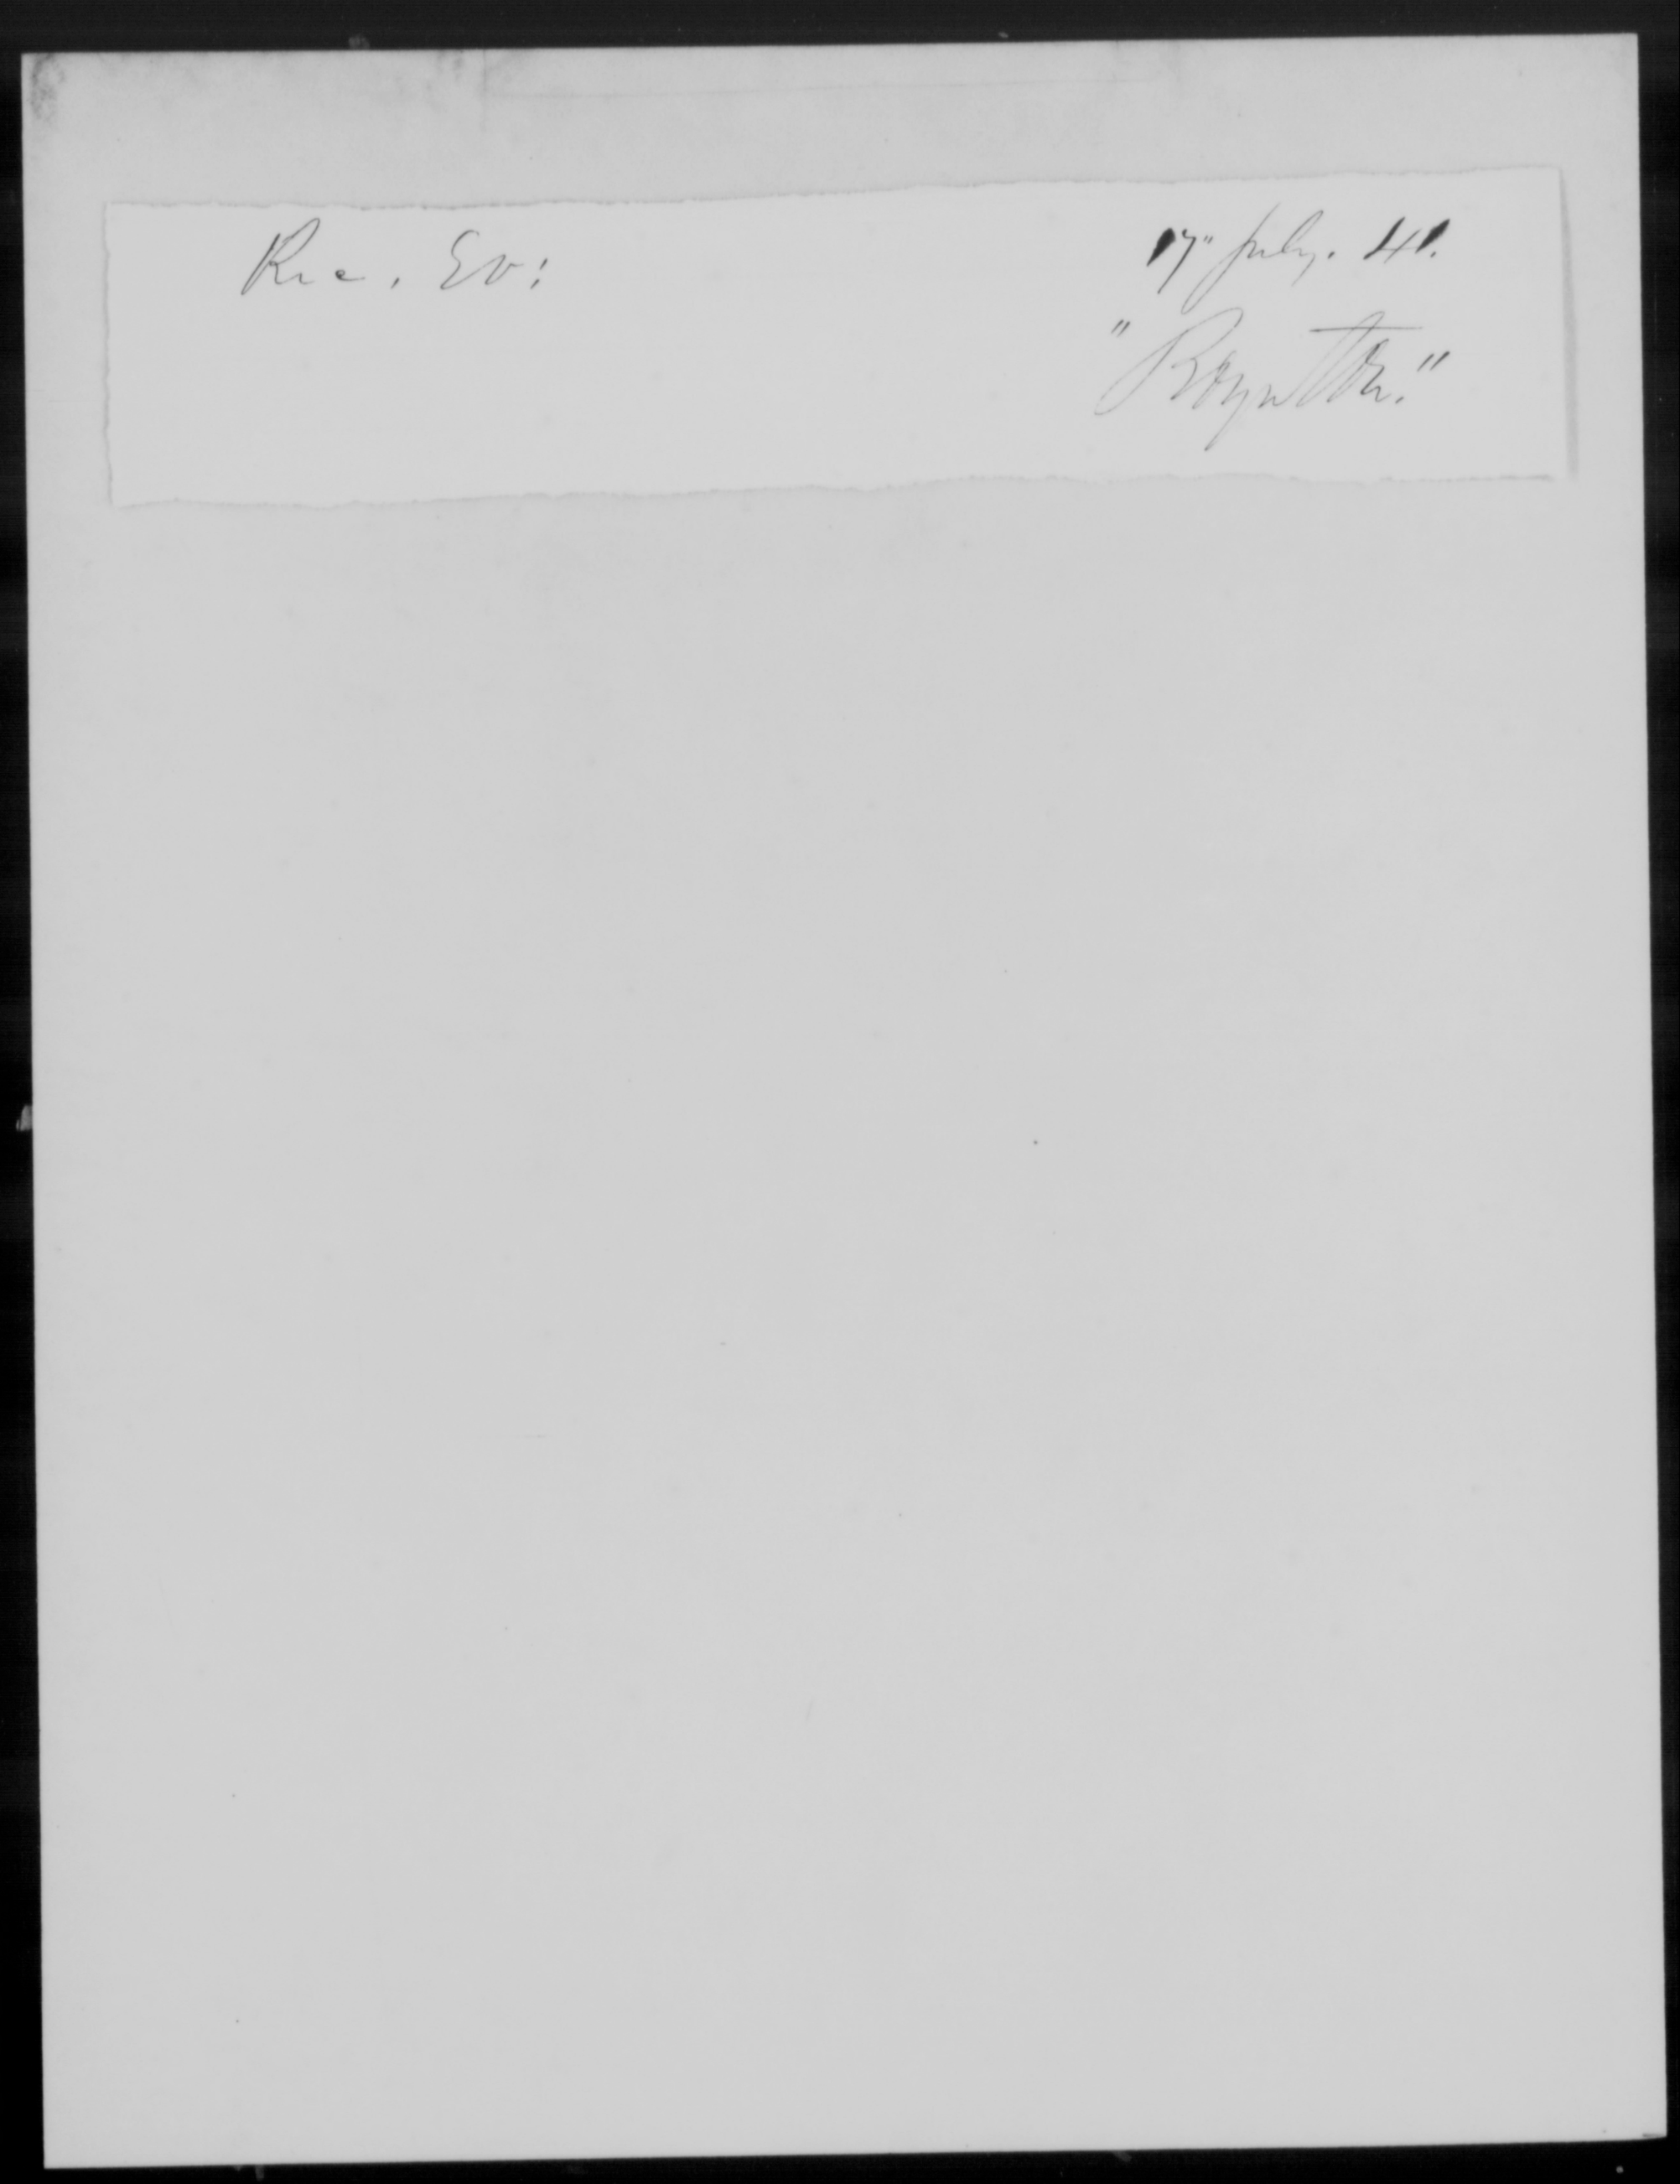Rev(olutionary War) Evi(dence).

17th July '41.

"Boynton"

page: 37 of 67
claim: widow's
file: W. 2393, Jacob Williamson, New Jersey